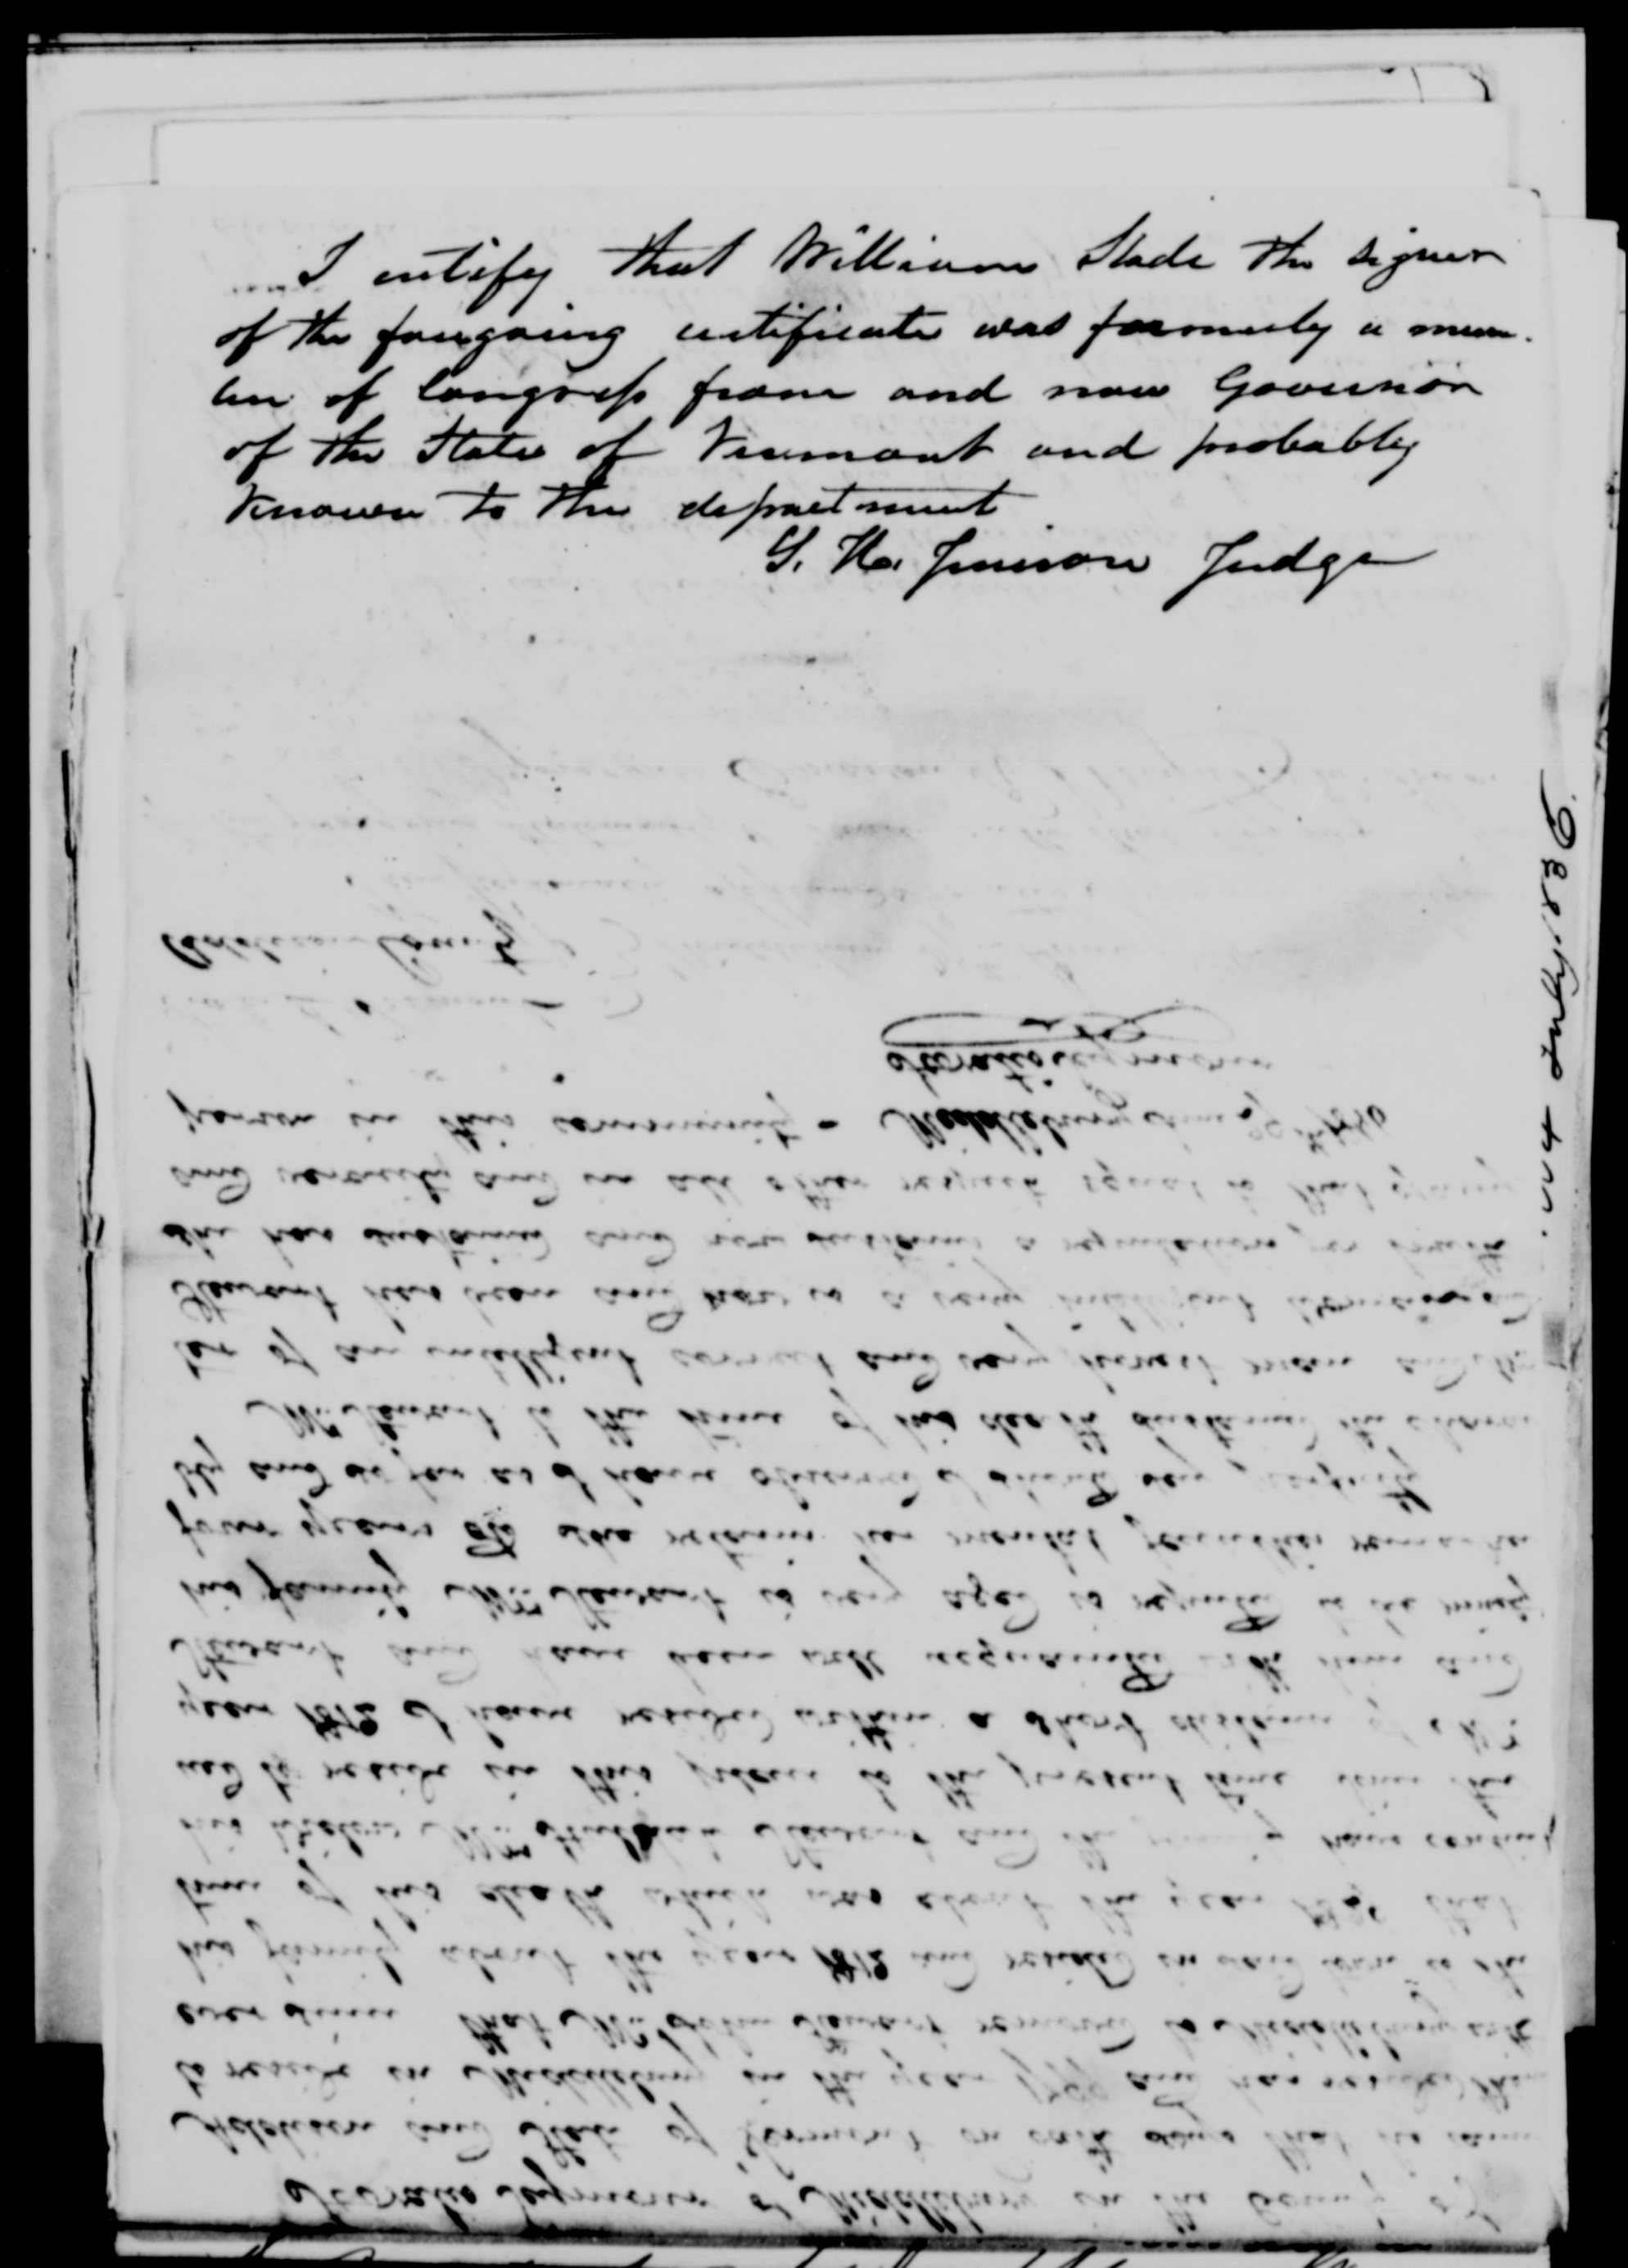I certify that William Slade the signer of the foregoing certificate was formerly a member of Congress from and now Governor of the State of Vermont and probably known to the department
[Signature] S H Jenison Judge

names: William Slade; S H Jenison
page: 18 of 26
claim: rejected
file: R. 10,154, for John Stewart, New Hampshire